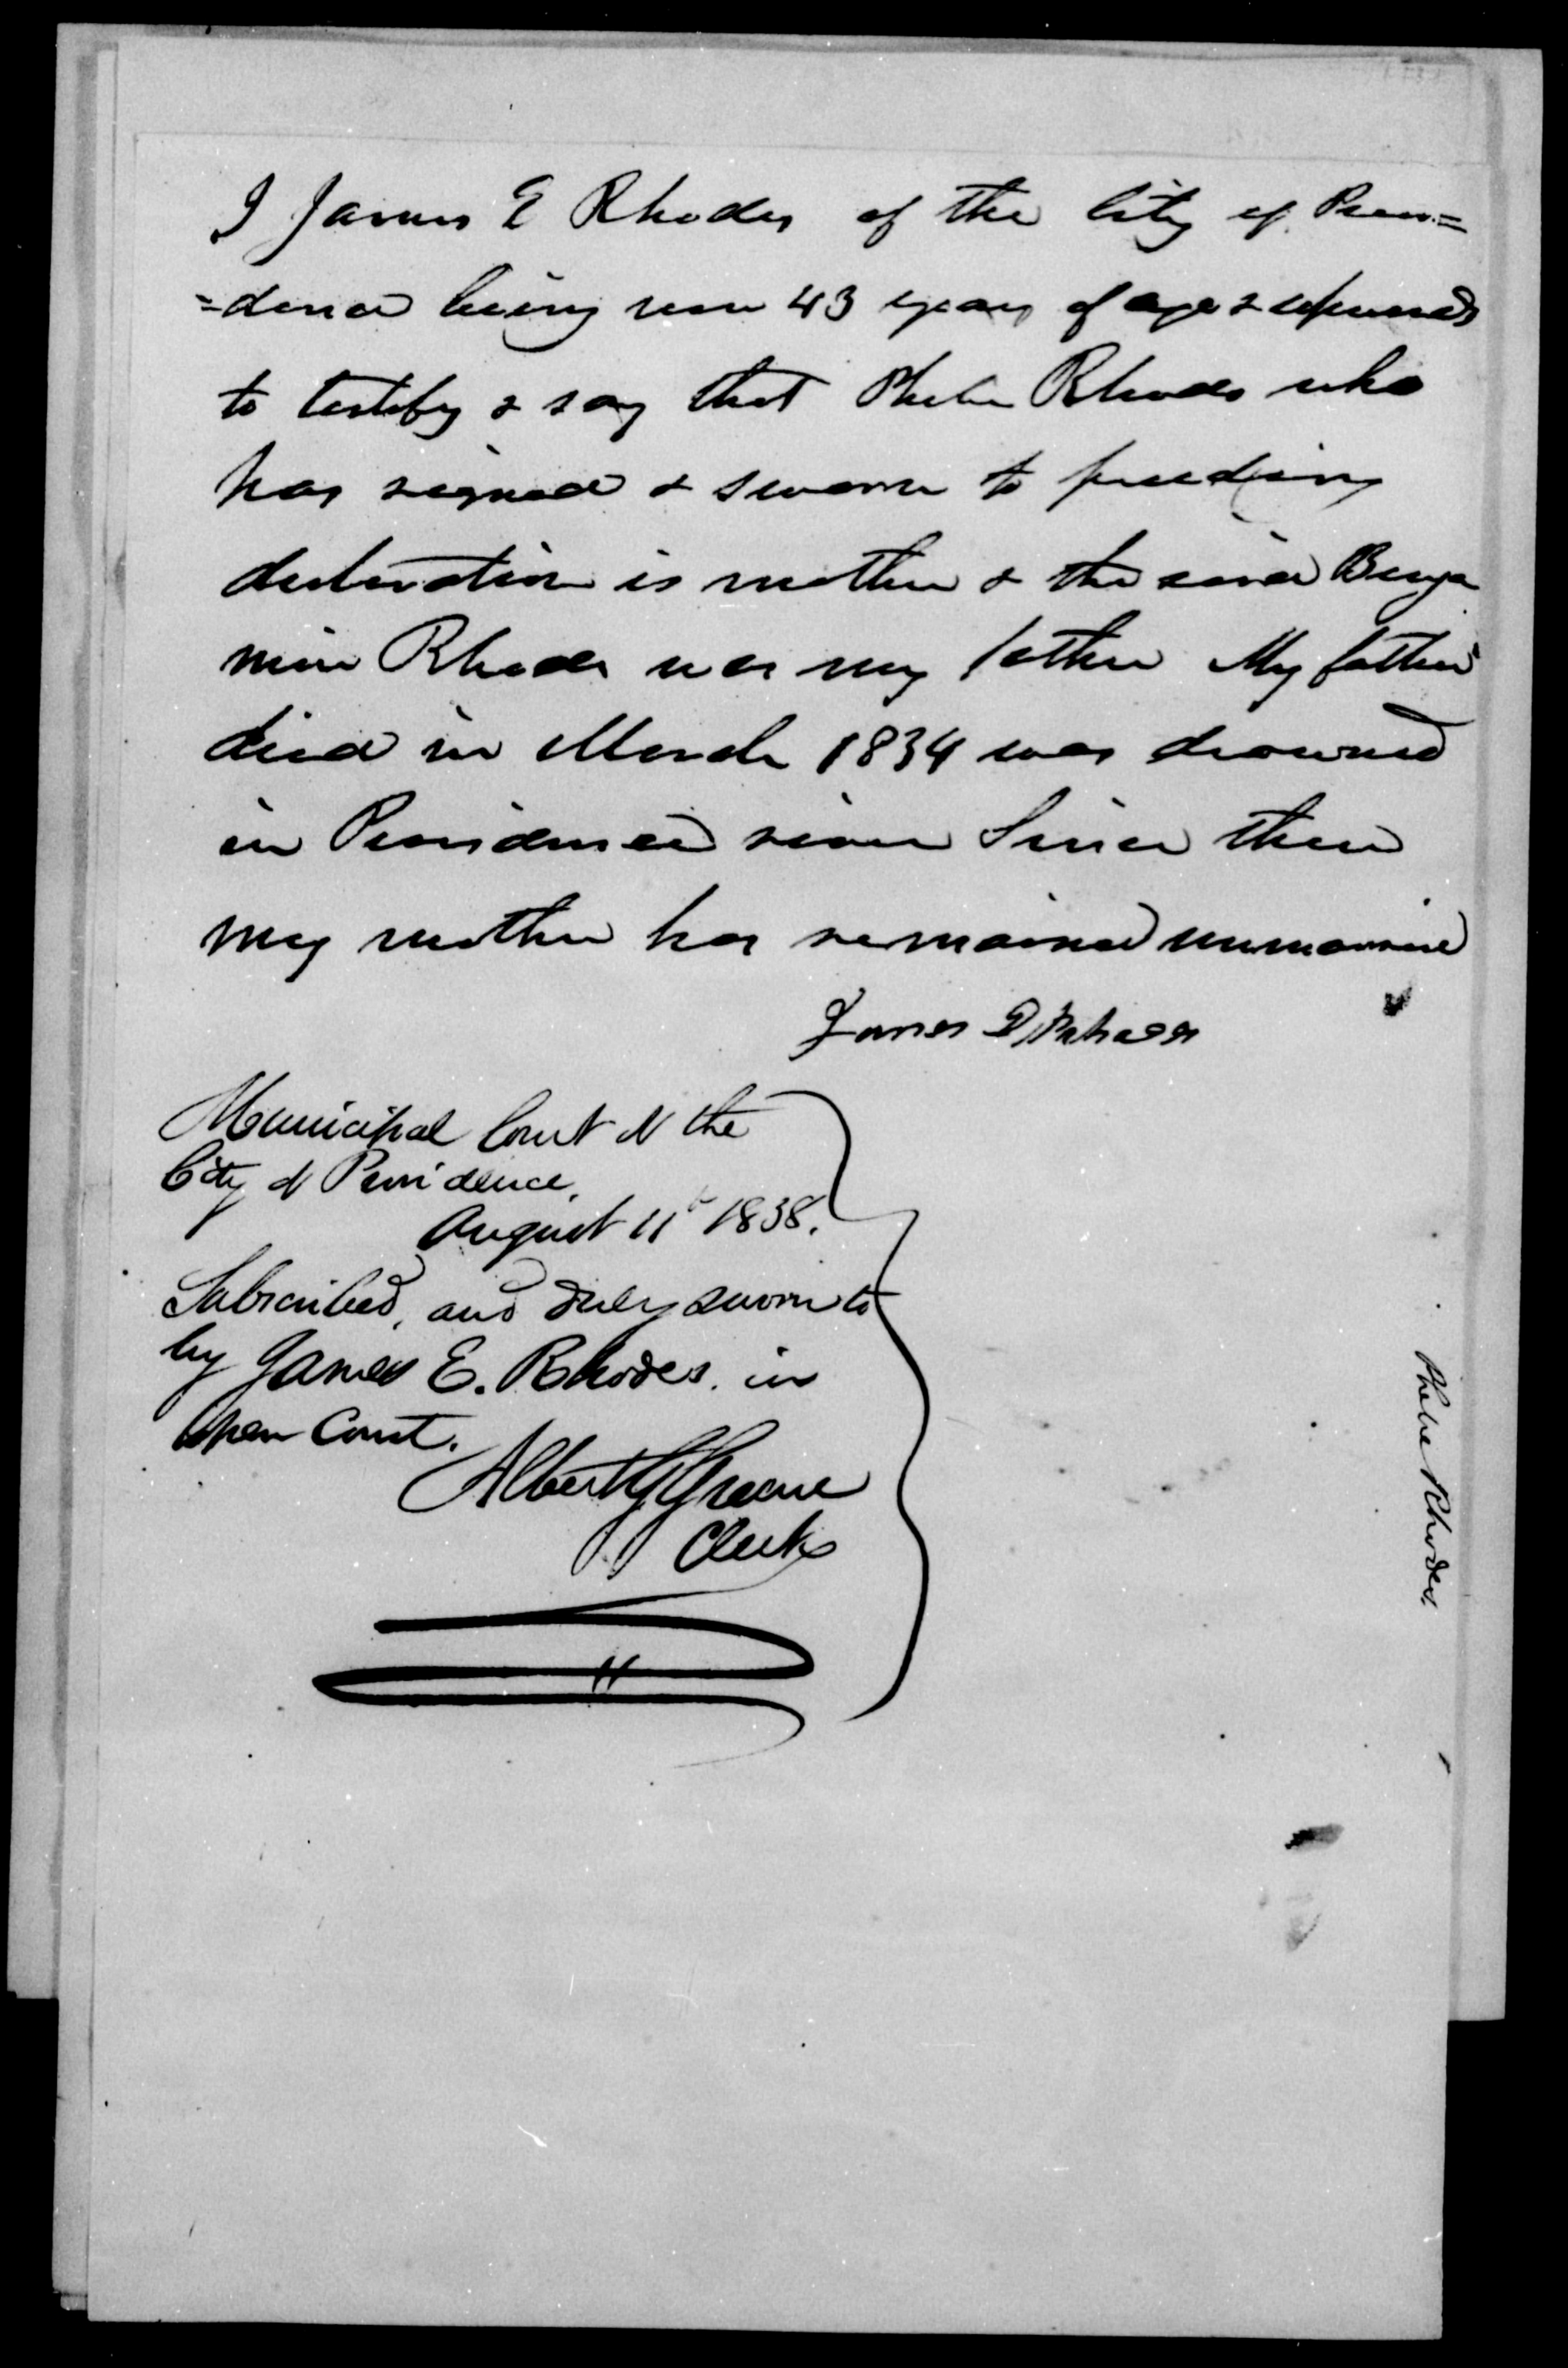I James E Rhodes of the City of Providence being near 43 years of age 7 upward
to testify & say that Phebe Rhodes who
has signed & sworn to proceeding
declaration is mother & the said
Benjamin Rhodes was my father. my father
died in March 1834 was drowned
in Providence river since then
my mother has remained unmarried
James E Rhodes
Municipal Court in the
City of Providence
August 11 1838.
Subscribed and duly sworn to
by James E. Rhodes in
Open Court Albert G Greene
Clerk

Phebe Rhodes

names: James E Rhodes; Phebe Rhodes; Albert G Greene; James E Rhodes; Phebe Rhodes; James E Rhodes; Benjamin Rhodes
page: 16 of 50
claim: widow's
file: W. 22058, for Benjamin Rhodes, Rhode Island